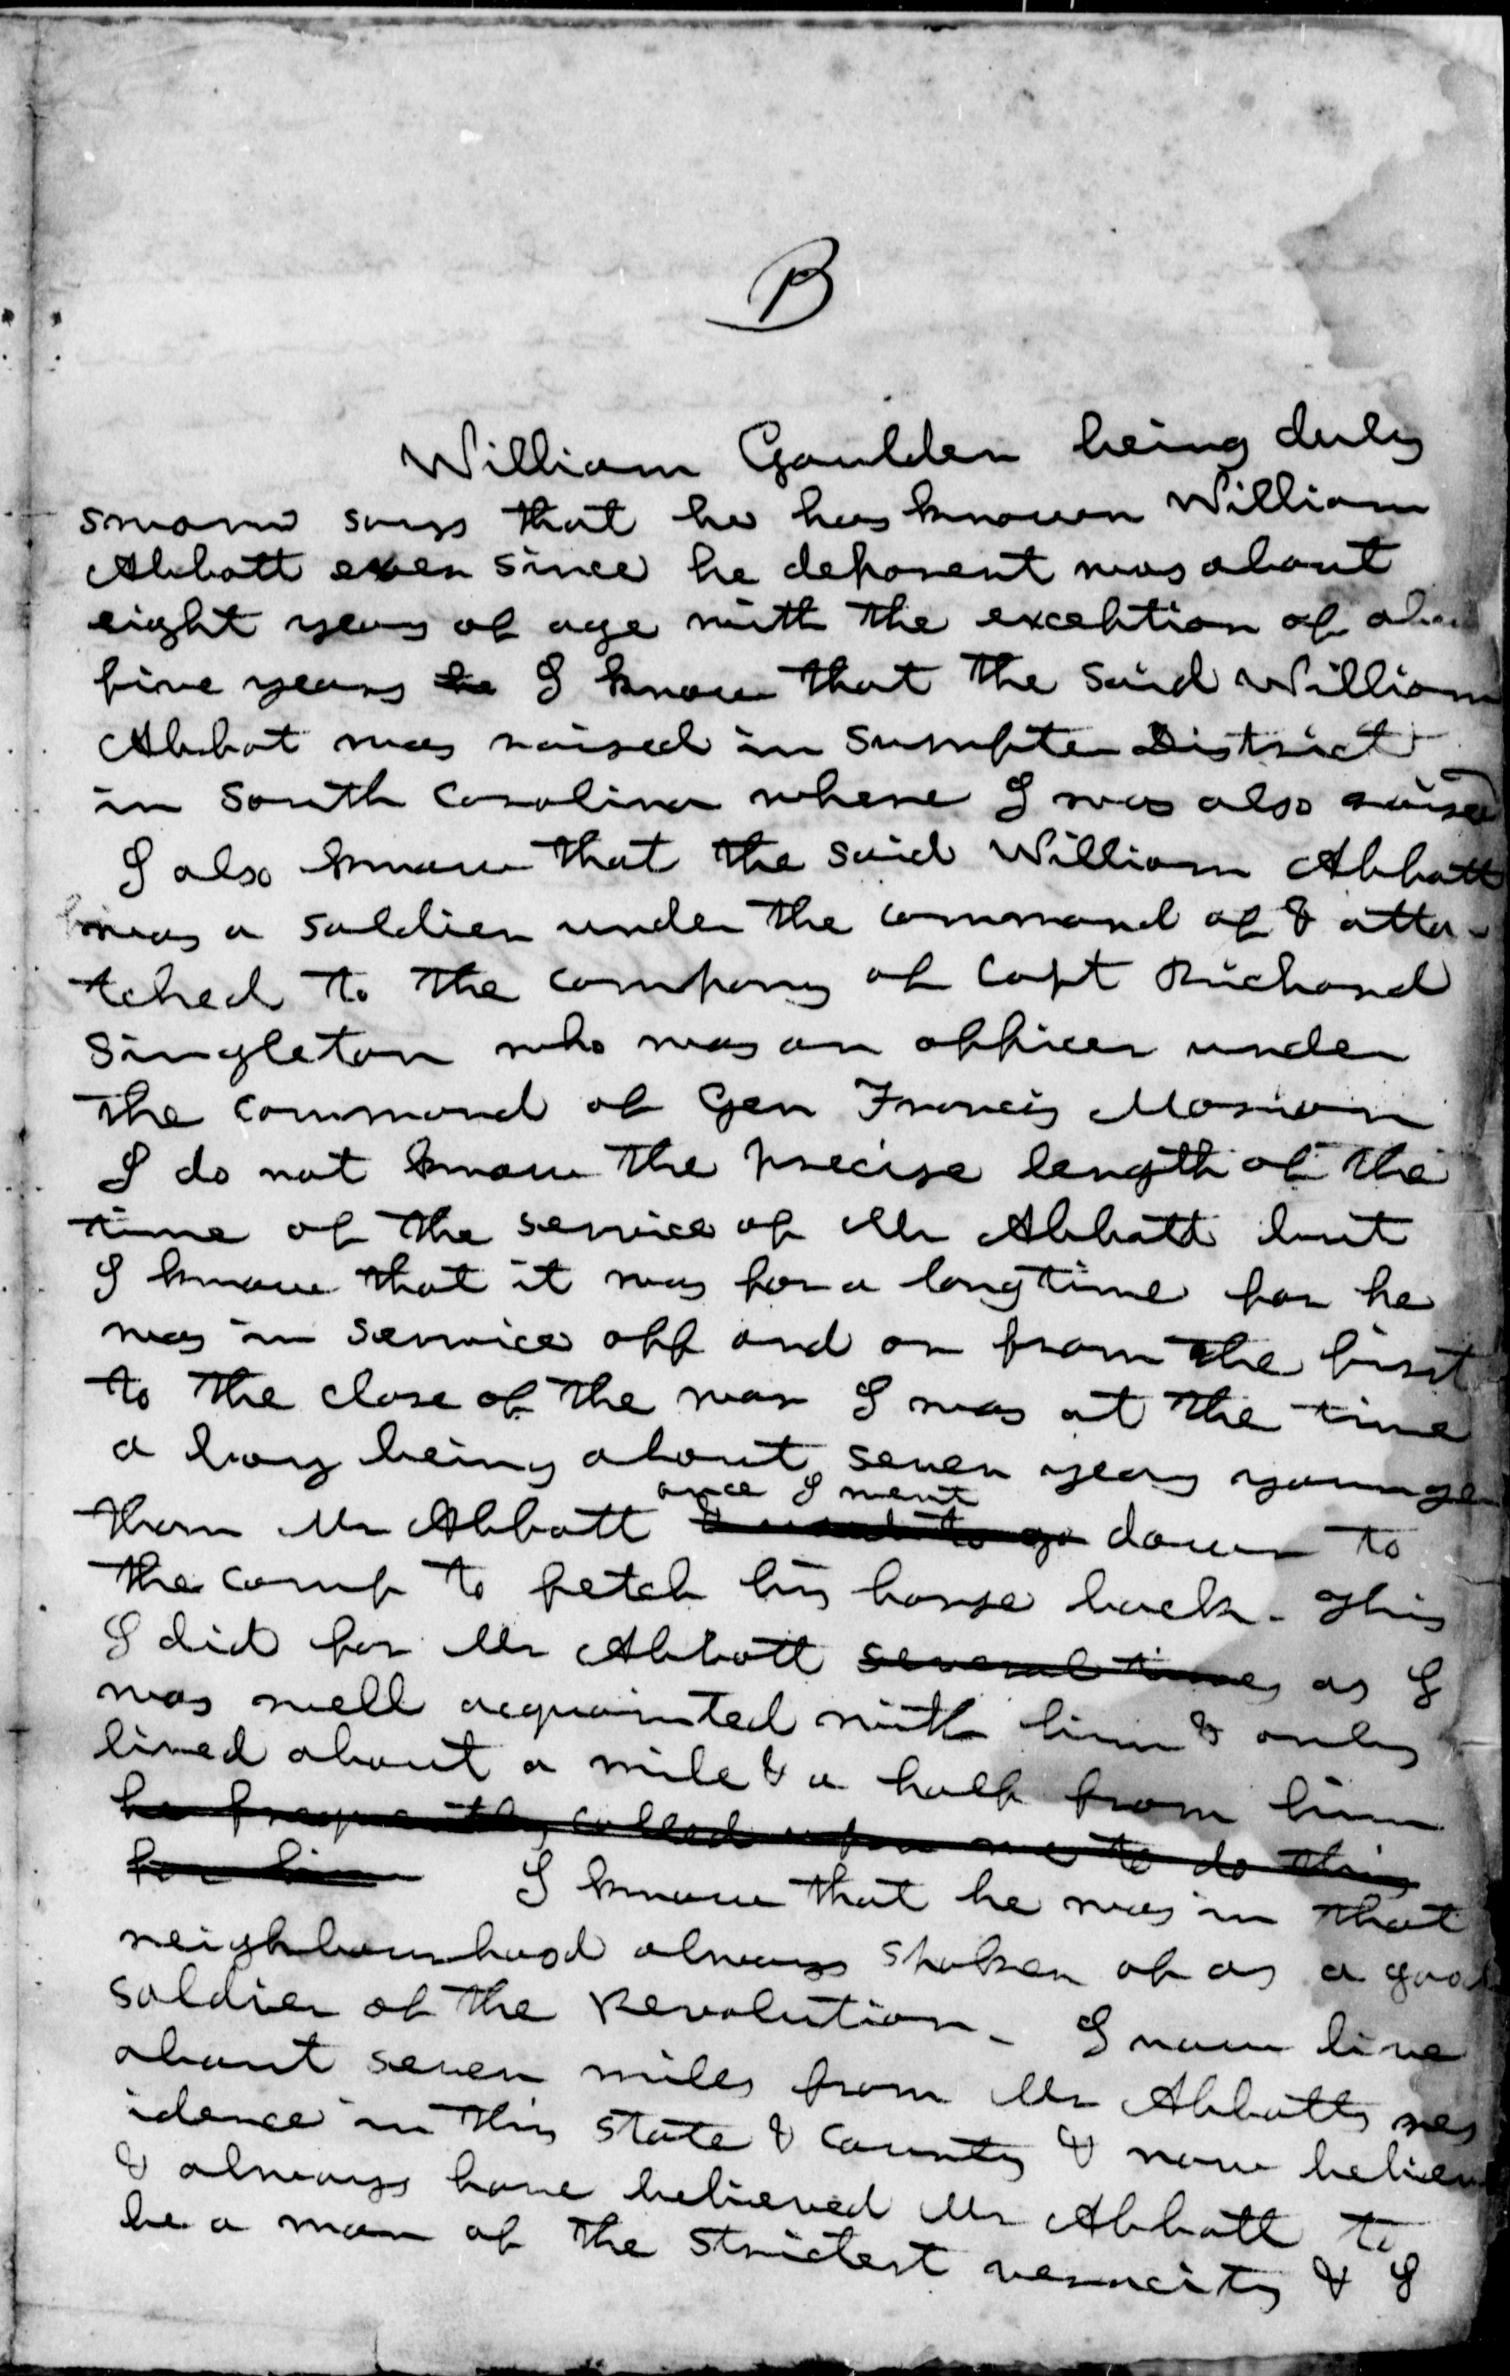B
William Gaulden being duly many sworn says that he has known William Abbott ever since he deponent was about eight years of age with the exception of about five years. I know that the said William Abbot was raised in Sumpter District in South Carolina where I was also raised. I also know that the said William Abbott was  a soldier under the command of & attached to the company of Capt Richard Singleton who was an officer under the command of Gen Francis Marion. I do not know the precise length of the time of the service of Mr Abbott but I know that it was hard long time for he was in service off and on from the first to the close of the war I was at the time a boy being about seven years younger than Mr Abbott once I went down to the camp to fetch his horse back. This I did for Mr Abbott as I was well acquainted with him & only lived about a mile & a half from him I know that he was in that neighbourhood always spoken of as a good soldier of the Revolution. I now live about seven miles from Mr Abbott residence in this State & County & now believe & always have believed Mr Abbott be a man of the strictest veracity & I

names: William Abbot, William Gaulden, Richard Singleton, William Abbott, William Abbott, Francis Marion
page: 13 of 38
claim: survivor's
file: S. 30. 239, William Abbott, S.C.